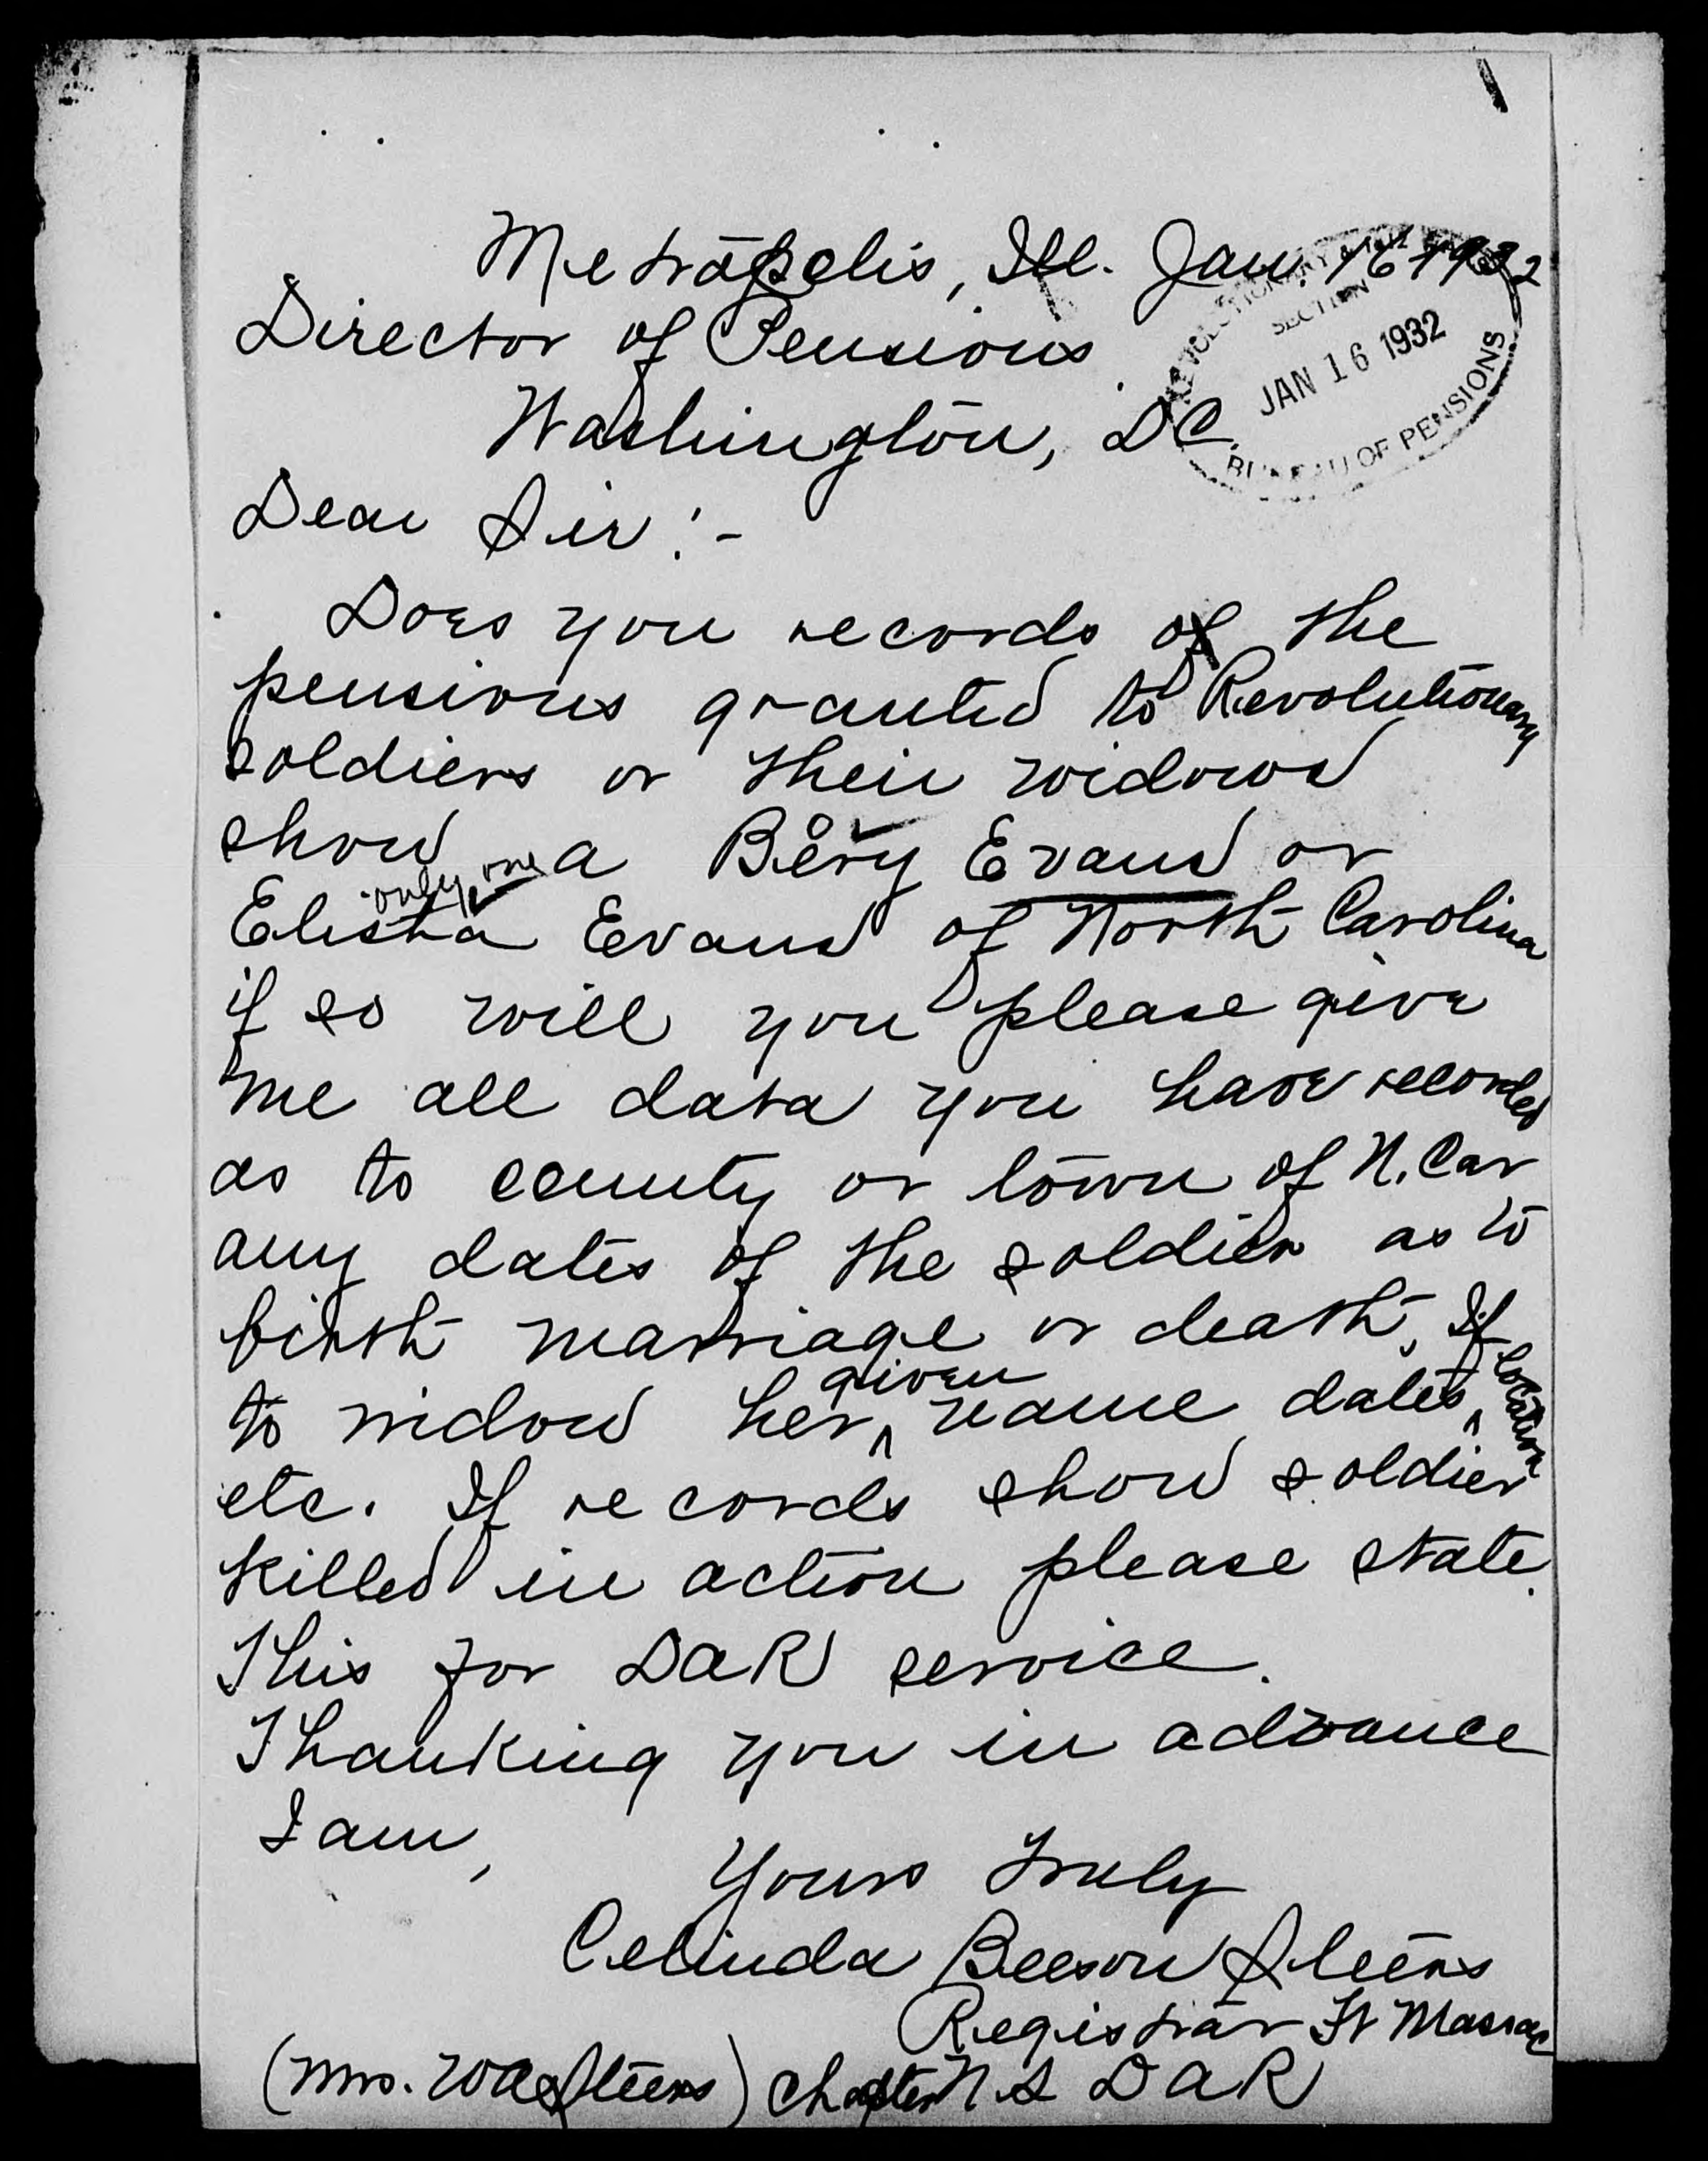Metropolis, Ill. Jan. 16, 1932
[Stamped, ova, containing: REVOLUTIONARY & 1812 BUREAU OF PENSIONS, SECTION, JAN 17 1932]

Director of Pensions
Washington, DC

Dear Sir: -

Does your records of the pensions granted
to Revolutionary soldiers or their widows
show a Bery Evans [0 and check mark above name] or Elisha Evans [only one and check mark above name] of North Carolina if so will you please give me all data you have recorded
as to county or town of N. Car any dates of the soldier as to birth marriage or death. I so widow her given name dates location etc. 

If records show soldier killed in action
please state.

This for DAR service.

Thanking you in advance

I am,
Yours Truly

Celinda Beeson Steers
Registrar Fr Massac
(Mrs. W A Steers) Chapter N S D A R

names: W A Steers, Bery Evans, Celinda Beeson Steers, Elisha Evans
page: 19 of 29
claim: survivor's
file: S. 6830, Elisha Evans, N.C.